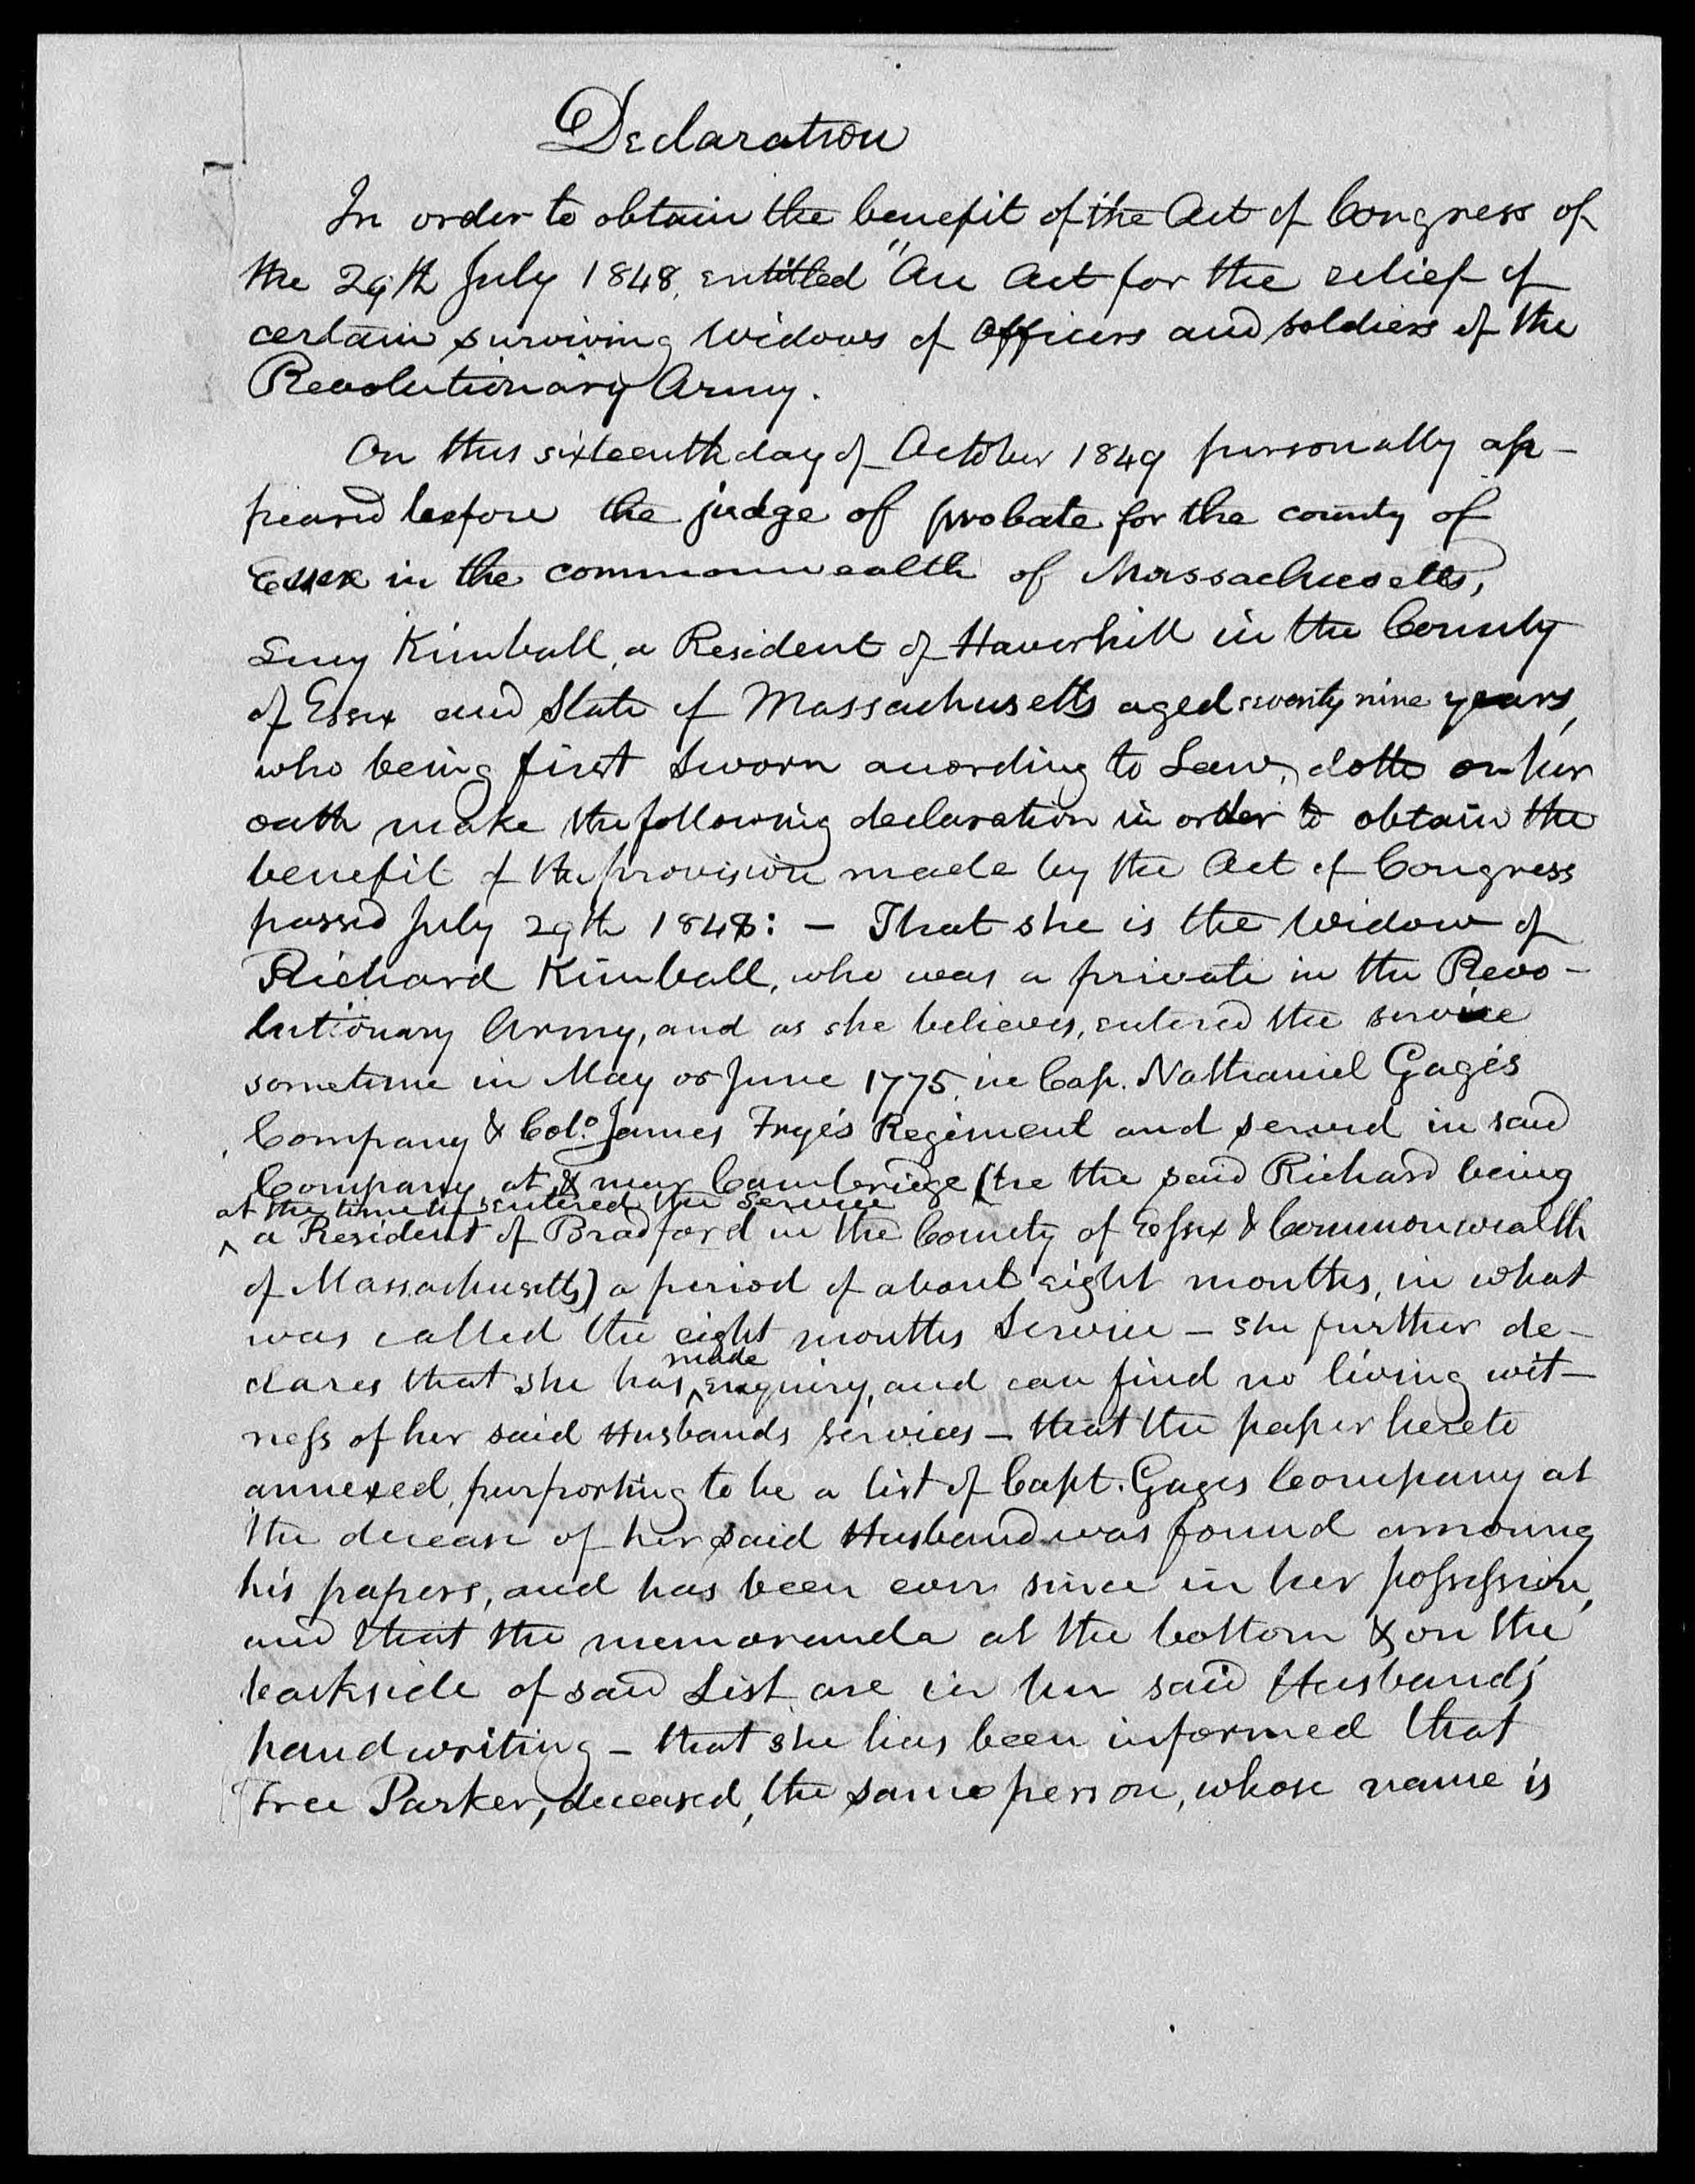Declaration

In order to obtain the benefit of the Act of Congress of the 29th July 1848, entitled "an act for the relief of certain surviving widows of officers and soldiers of the Revolutionary Army.

On this sixteenth day of October 1849 personally appeared before the judge of probate for the county of Essex in the commonwealth of Massachusetts, Lucy Kimball, a Resident of Haverhill in the County of Essex and State of Massachusetts aged seventy nine years, who being first sworn according to Law, doth on his oath make the following declaration in order to obtain the benefit of provision made by the Act of Congress passed July 29th 1848: - That she is the widow of Richard Kimball, who was a private in the Revolutionary Army, and as she believes, entered the service sometime in May or June 1775, In Cap. Nathaniel Gages Company & Col. James Frye's Regiment and served in said Company at & near Cambridge (he the said Richard being at the time he entered the service a Resident of Bradford in the County of Essex & Commonwealth of Massachusetts) a period of about eight months, in what was called the eight months service - she further declares that she had made enquiry, and can find no living witness of her said husbands services - that the paper hereto annexed, purporting to be a list of Capt. Gages Company at the decease of her said Husband was found among his papers, and has been ever since in her possession, and that the memoranda at the bottom & on the backside of said list are in her said Husband's handwriting - that she has been informed that Free Parker, deceased, the same person, whose name is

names: Richard Kimball; Free Parker; Lucy Kimball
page: 3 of 29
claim: widow's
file: W. 1779, for Richard Kimball, Massachusetts